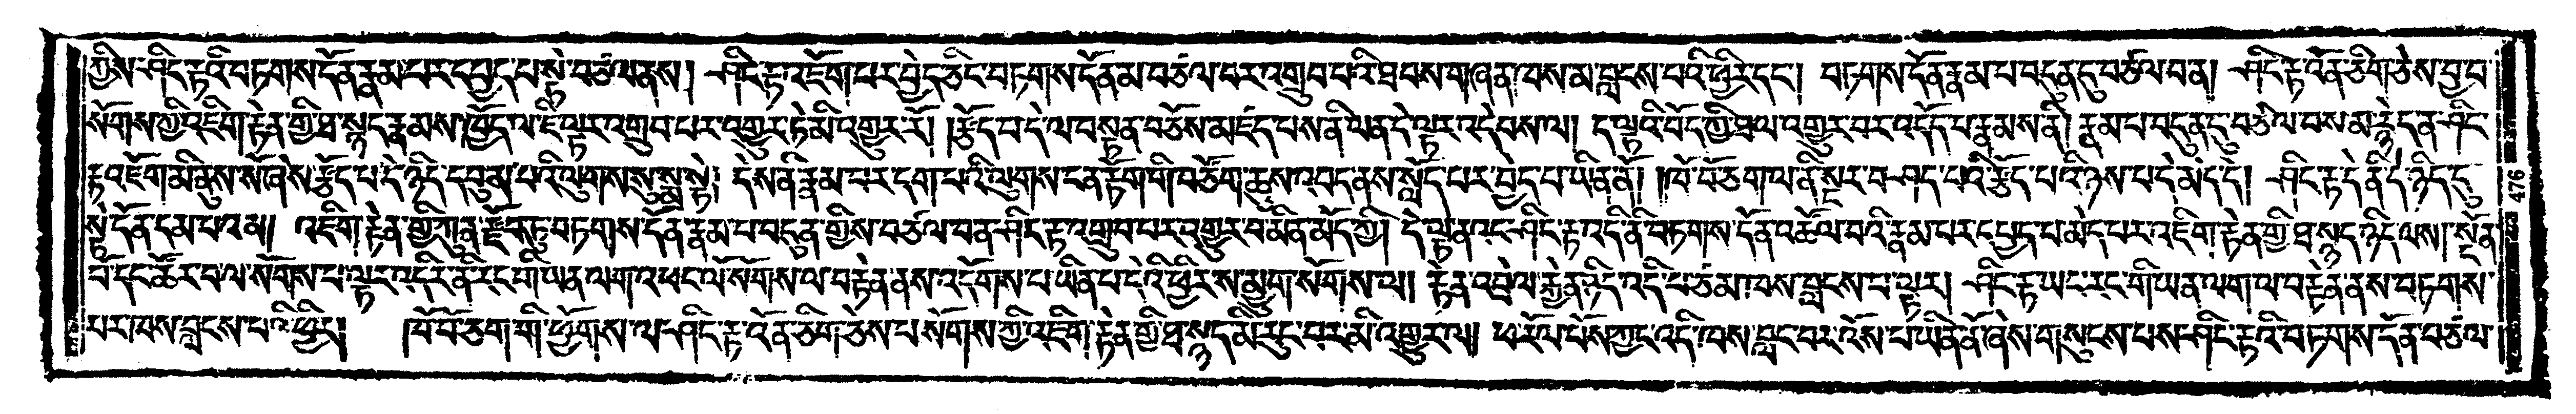ཀྱིས་ཤིང་རྟའི་བཏགས་དོན་རྣམ་པར་དཔྱད་པ་སྟེ་བཙལ་ནས། ཤིང་རྟ་འཇོག་པར་བྱེད་ཅིང་བཏགས་དོན་མ་བཙལ་བར་འགྲུབ་པའི་ཐབས་གཞན་ཁས་མ་བླངས་པའི་ཕྱིར་དང་། བཏགས་དོན་རྣམ་པ་བདུན་དུ་བཙལ་བ་ན། ཤིང་རྟ་འོན་ཅིག་ཅེས་བྱ་བ་
སོགས་ཀྱི་འཇིག་རྟེན་གྱི་ཐ་སྙད་རྣམས་ཁྱོད་ལ་ཇི་ལྟར་འགྲུབ་པར་འགྱུར་ཏེ་མི་འགྱུར་རོ། །རྩོད་པ་དེ་ལ་བསྟན་བཅོས་མཛད་པས་ནི་ལན་དེ་ལྟར་འདེབས་ལ། ད་ལྟའི་བོད་ཀྱི་ཐལ་འགྱུར་བར་འདོད་པ་རྣམས་ནི། རྣམ་པ་བདུན་དུ་བཙལ་བས་མ་རྙེད་ན་ཤིང་
རྟ་འཇོག་མི་ནུས་སོ་ཞེས་རྩོད་པ་དེ་ཉིད་དབུ་མ་པའི་ལུགས་སུ་སྨྲ་སྟེ། དེས་ནི་རྣམ་པར་དག་པའི་ལུགས་ངན་རྟོག་གི་བཙོག་ཆུས་འབད་ནས་སློད་པར་བྱེད་པ་ཡིན་ནོ། །ཁོ་བོ་ཅག་ལ་ནི་སྔར་བཤད་པའི་རྩོད་པའི་ཉེས་པ་དེ་མེད་དེ། ཤིང་རྟ་དེ་ནི་དེ་ཉིད་དུ་
སྟེ་དོན་དམ་པའམ། འཇིག་རྟེན་གྱི་ཀུན་རྫོབ་ཏུ་བཏགས་དོན་རྣམ་པ་བདུན་གྱིས་བཙལ་བ་ན་ཤིང་རྟ་འགྲུབ་པར་འགྱུར་བ་མིན་མོད་ཀྱི། དེ་ལྟ་ནའང་ཤིང་རྟ་འདི་ནི་བཏགས་དོན་འཚོལ་བའི་རྣམ་པར་དཔྱད་པ་མེད་པར་འཇིག་རྟེན་གྱི་ཐ་སྙད་ཉིད་ལས། སྔོན་
པོ་དང་ཚོར་བ་ལ་སོགས་པ་ལྟར་འདིར་ནི་རང་གི་ཡན་ལག་འཕང་ལོ་སོགས་ལ་བརྟེན་ནས་འདོགས་པ་ཡིན་པ་དེའི་ཕྱིར་ས་མྱུག་སོགས་ལ། རྟེན་འབྲེལ་རྐྱེན་ཉིད་འདི་པ་ཙམ་ཁས་བླངས་པ་ལྟར། ཤིང་རྟ་ཡང་རང་གི་ཡན་ལག་ལ་བརྟེན་ནས་བཏགས་
པར་ཁས་བླངས་པའི་ཕྱིར། ཁོ་བོ་ཅག་གི་ཕྱོགས་ལ་ཤིང་རྟ་འོན་ཅིག་ཅེས་པ་སོགས་ཀྱི་འཇིག་རྟེན་གྱི་ཐ་སྙད་མི་རུང་བར་མི་འགྱུར་ལ། ཕ་རོལ་པོས་ཀྱང་འདི་ཁས་བླང་བར་འོས་པ་ཡིན་ནོ་ཞེས་གསུངས་པས་ཤིང་རྟའི་བཏགས་དོན་བཙལ་